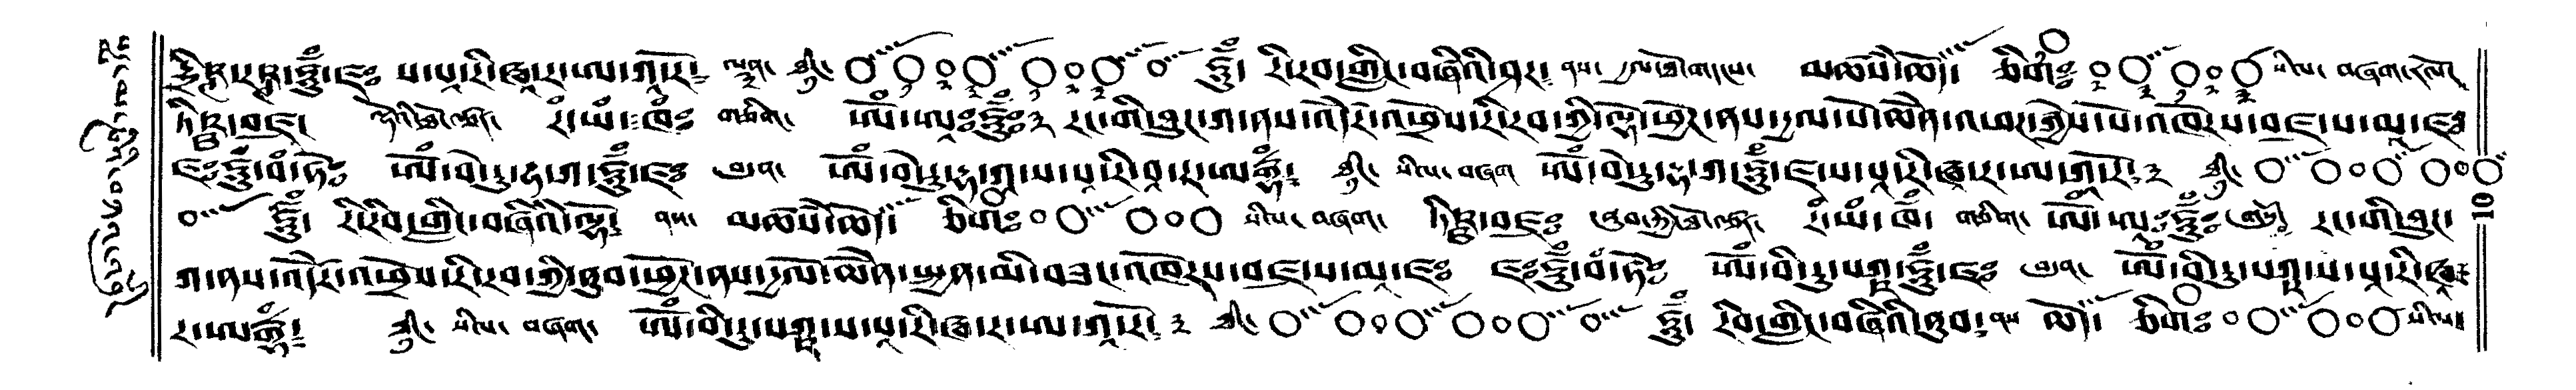དྷྲིཥྚ་རཥྚ་ཧཱུྃ་ཛཿ ས་པཱ་རི་ཝཱ་ར་ཨ་ཀཱ་རོ༴ ལན་གསུམ། ཐིང་གཅིག ཧཱུྃ། རི་རབ་གླིང་བཞིའི་ཤར༴ ནས། རྒྱལ་ཐོའི་གདངས། མཚམས་ཆོད་ཅིག ། ཟིལ། འཇོག་རོལ། 
ཏིཥྛ་བཛྲ། ལྷོའི་ཐོ་རྩར། རཾ་ཡཾ་ཁཾ། ཨོཾ་ཨཱཿཧཱུྃ། རང་གི་ཐུགས་ཀ་ནས་འོད་ཟེར་འཕྲོས་རི་རབ་ཀྱི་ལྷོ་ཕྱོགས་ནས་རྒྱལ་པོ་ཆེན་པོ་འཕགས་སྐྱེས་པོ་འཁོར་བཅས་བཛྲ་ས་མཱ་ཛཿ 
ཛཿཧཱུཾ་བཾ་ཧོཿ ཨོཾ་བེ་རུ་དྷ་ཀ་ཧཱུྃ་ཛཿ ལན་བདུན། ཨོཾ་བེ་རུ་དྷ་ཀཱ་ས་པཱ་རི་བཱ་ར་ཨརྒྷཾ༴ ཐེང་གཅིག ཟིལ། བཞག་རོལ། ཨོཾ་བེ་རུ་དྷ་ཀ་ཧཱུྃ་ཛ་ས་པཱ་རི་ཝཱ་ར་ཨ་ཀཱ་རོ༴ ལན་གསུམ། ཐིང་གཅིག 
ཧཱུཾ། རི་རབ་གླིང་བཞིའི་ལྷོ༴ ནས། མཚམས་ཆོད་ཅིག ཟིལ། འཇོག་རོལ། ཏིཥྛ་བཛྲཿ ནུབ་ཀྱི་རྩར། རཾ་ཡཾ་ཁཾ། ཨོཾ་ཨཱཿཧཱུྃ། རང་གི་ཐུགས་
ཀ་ནས་འོད་ཟེར་འཕྲོས་རི་རབ་ཀྱི་ནུབ་ཕྱོགས་རྒྱལ་པོ་ཆེན་པོ་སྤྱན་མི་བཟང་འཁོར་བཅས་བཛྲ་ས་མཱ་ཛཿ ཛཿཧཱུྃ་བཾ་ཧོཿ ཨོཾ་བེ་རུ་པཀྵ་ཧཱུྃ་ཛཿ ལན་བདུན། ཨོཾ་བི་རུ་པཀྵ་ས་པཱ་རི་ཝཱ་
ར་ཨགྷཾ༴ ཐིང་གཅིག ཟིལ། འཇོག་རོལ། ཨོཾ་བི་རུ་པཀྵ་ས་པཱ་རི་ཝ་ར་ཨ་ཀཱ་རོ༴ ལན་གསུམ། ཐིང་། ཧཱུྃ། རི་རབ་གླིང་བཞིའི་ནུབ༴ ནས། ཆོད་ཅིག སིལ།